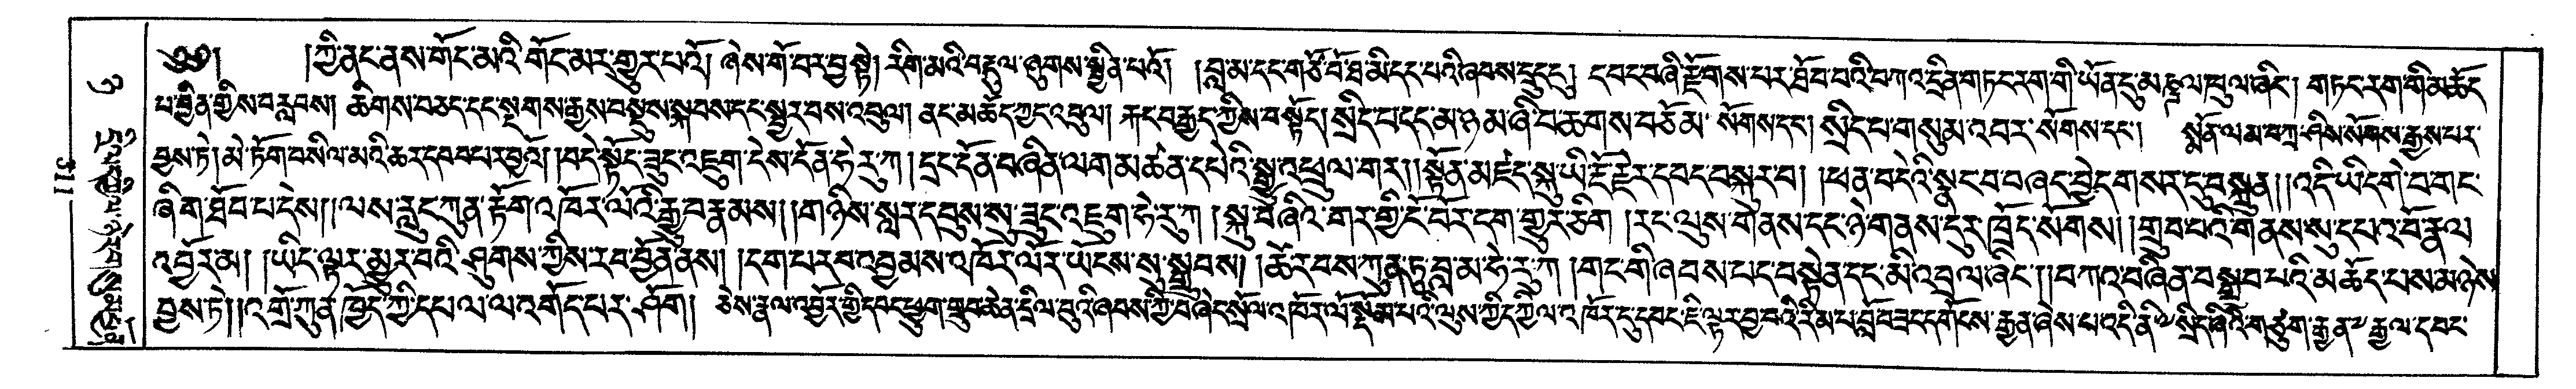༄༅། །ཀྱི་ནང་ནས་གོང་མའི་གོང་མར་གྱུར་པའོ། ཞེས་གོ་བར་བྱ་སྟེ། རིག་མའི་བརྟུལ་ཞུགས་སྦྱིན་བའོ། །བླ་མ་དང་གཙོ་བོ་ཐ་མི་དད་པའི་ཞབས་དྲུང་དུ། དབང་བཞི་རྫོགས་པར་ཐོབ་པའི་བཀའ་དྲིན་གཏང་རག་གི་ཡོན་དུ་མཎྜལ་ཕུལ་ཞིང་། གཏང་རག་གི་མཆོད་
པ་བྱིན་གྱིས་བརླབས། ཚིགས་བཅད་དང་སྔགས་རྒྱས་བསྡུས་སྐབས་དང་སྦྱར་བས་འབུལ། ནང་མཆོད་ཀྱང་འབུལ། རྐང་བརྒྱད་ཀྱིས་བསྟོད། སྲིད་པ་དང་མཉམ་ཞི་བ་ཆགས་བཅོམ་སོགས་དང་། སྲིད་པ་གསུམ་འབར་སོགས་དང་། སྨོན་ལམ་བཀྲ་ཤིས་སོགས་རྒྱས་པར་
བྱས་ཏེ། མེ་ཏོག་བསིལ་མའི་ཆར་དབབ་བར་བྱའོ། །བདེ་སྟོང་ཟུང་འཇུག་ངེས་དོན་ཧེ་རུ་ཀ། དྲང་དོན་བཞིན་ལག་མཚན་དབེའི་སྒྱུ་འཕྲུལ་གར། །སྟོན་མཛད་སྐུ་ཡི་རྡོ་རྗེར་དབང་བསྐུར་བ། །ཕན་བདེའི་སྣང་བ་བཞད་བྱེད་གསར་དུ་བསྐྲུན། །འདི་ཡི་དགེ་བ་གང་
ཞིག་ཐོབ་པ་དེས། །ལས་རླུང་ཀུན་རྟོག་འཁོར་ལོའི་རྒྱུ་བ་རྣམས། །གཉིས་སྤང་དབུས་སུ་ཟུང་འཇུག་ཧེ་རུ་ཀ། །སྐུ་བཞིའི་གར་གྱི་ངོ་བོར་དག་གྱུར་ཅིག །རང་ལུས་གནས་དང་ཉེ་གནས་ངུར་ཁྲོད་སོགས། །གྲུབ་པའི་གནས་སུ་དཔའ་བོ་རྣལ་
འབྱོར་མ། །ཡིད་ལྟར་མྱུར་བའི་ཤུགས་ཀྱིས་རབ་བྱོན་ནས། །དག་པ་རབ་འབྱམས་འཁོར་ལོར་ཡོངས་སུ་སྒྲུབས། །ཚེ་རབས་ཀུན་ཏུ་བླ་མ་ཧེ་རུ་ཀ །གང་གི་ཞབས་བད་བསྟེན་དང་མི་འབྲལ་ཞིང་། །བཀའ་བཞིན་བསྒྲུབ་པའི་མཆོད་བས་མཉེས་
བྱས་ཏེ། །འགྲོ་ཀུན་ཁྱོད་ཀྱི་དཔལ་ལ་འགོད་པར་ཤོག། ཅེས་རྣལ་འབྱོར་གྱི་དབང་ཕྱུག་གྲུབ་ཆེན་དྲིལ་བུའི་ཞབས་ཀྱི་བཞེད་སྲོལ་འཁོར་ལོ་སྡོམ་པའི་ལུས་ཀྱི་དཀྱིལ་འཁོར་དུ་དབང་ཇི་ལྟར་བྱ་བའི་རིམ་པ་བློ་བཟང་དགོངས་རྒྱན་ཞེས་པ་འདི་ནི་སྲིད་ཞའི་གཙུག་རྒྱན ༧རྒྱལ་དབང་